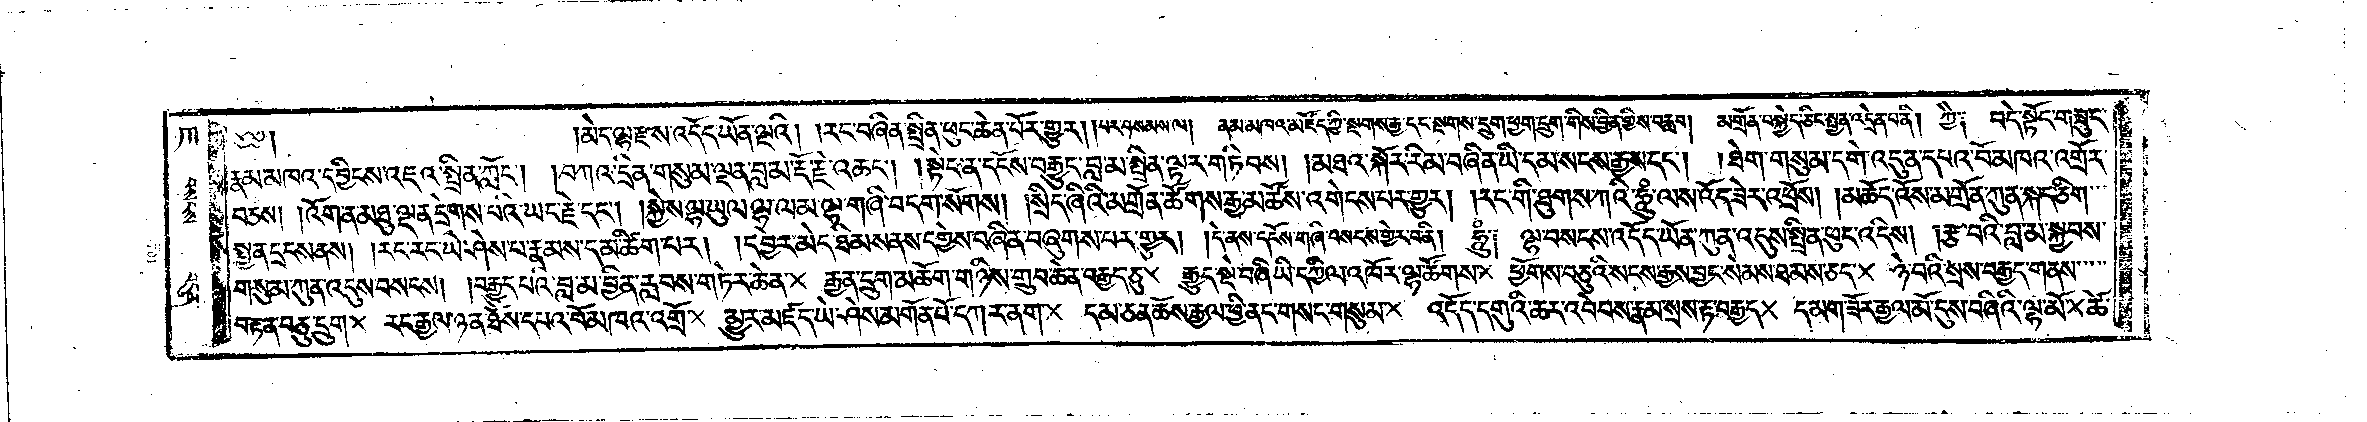༄༅། །མེད་ལྷ་རྫས་འདོད་ཡོན་ལྔའི། །རང་བཞིན་སྤྲིན་ཕུར་ཆེན་པོར་གྱུར། །བར་བསམས་ལ། ནམ་མཁའ་མཛོད་ཀྱི་སྔགས་རྒྱ་དང་སྔགས་དྲུག་ཕྱག་དྲུག་གིས་ཕྱིན་གྱིས་བརླབ།  མགྲོན་བསྐྱེད་ཅིང་སྤྱན་འདྲེན་པ་ནི། ཀྱཻ༑ བདེ་སོང་གཟུང་
རྣམ་མཁའ་དབྱིངས་འཇའ་སྤྲིན་ཀློང་། །བཀའ་དྲིན་གསུམ་ལྔན་བླ་མ་རྡོ་རྗེ་འཆང་། །སྟེང་ན་དངོས་བརྒྱུད་བླ་མ་སྤྲིན་ལྟར་གཏིབས། །མཐའ་སྐོར་རིམ་བཞིན་ཡི་དམ་སངས་རྒྱས་དང་། །ཐེག་གསུམ་དགེ་འདུན་དཔའ་བོ་མཁའ་འགྲོར་
བཅས། །འོག་ན་མཐུ་ལྡན་དྲེགས་པའི་ཡང་རྗེ་དང་། །སྐྱེས་ལྷ་ཡུལ་ལྷ་ལམ་ལྷ་གཞི་བདག་སོགས། །སྲིད་ཞིའི་མགྲོན་ཚོགས་རྒྱ་མཚོ་འགེངས་པར་གྱུར། །རང་གི་ཐུགས་ཀའི་ཧཱུཾ་ལས་ཡོད་ཟེར་འཕྲོས། །མཆོད་ལོས་མགྲོན་ཀུན་སྐད་ཅིག་
སྤྱན་དྲངས་ནས། །རང་རང་ཡེ་ཤེས་པ་རྣམས་དམ་ཚིག་པར། །དབྱེར་མེད་ཐིམས་ནས་དགྱེས་བཞིན་བཞུགས་པར་གྱུར། །དེ་ནས་འོངས་གཞི་བསངས་གྱེར་བ་ནི། ཧཱུཾ༑ ལྷ་བ་སངས་འདོད་ཡོན་ཀུན་འདུས་སྤྱིན་ཕུང་འདིད། །རྩ་བའི་བླ་མ་སྐྱབས་
གསུམ་ཀུན་འདུས་བསངས། །བརྒྱུད་པའི་བླ་མ་བྱིན་རླབས་གཏེར་ཆེན་྾་ཡི་རྒྱན་དྲུག་མཆོག་གཉིས་གྲུབ་ཆེན་བརྒྱད་ཅུ་྾་རྒྱུད་སྡེ་བཞི་ཡིད་དཀྱིལ་འཁོར་ལྷ་ཚོགས་྾་ཕྱོགས་བཅུའི་སྔགས་རྒྱས་བྱང་སེམས་ཐམས་ཅད་྾་ཉེ་བར་སྲས་བརྒྱད་གནས་
བརྟན་བཅུ་དྲུག་྾་རང་རྒྱལ་ཉན་ཐོས་དཔའ་བོ་མཁའ་འགྲོ་྾་མྱུར་མཛད་ཡེ་ཤེ་མགོན་བོ་དཀར་ནག་྾་དམ་ཅན་ཆོས་རྒྱལ་གྱི་ནང་གསང་གསུམ་྾་འདོད་དགུའི་ཆར་འབེབས་རྣམ་སྲས་རྟག་བརྒྱད་྾་དམ་གཟོར་རྒྱལ་མོ་སྡུག་བཞིའི་ལྷ་མོ་྾་ཚེ་